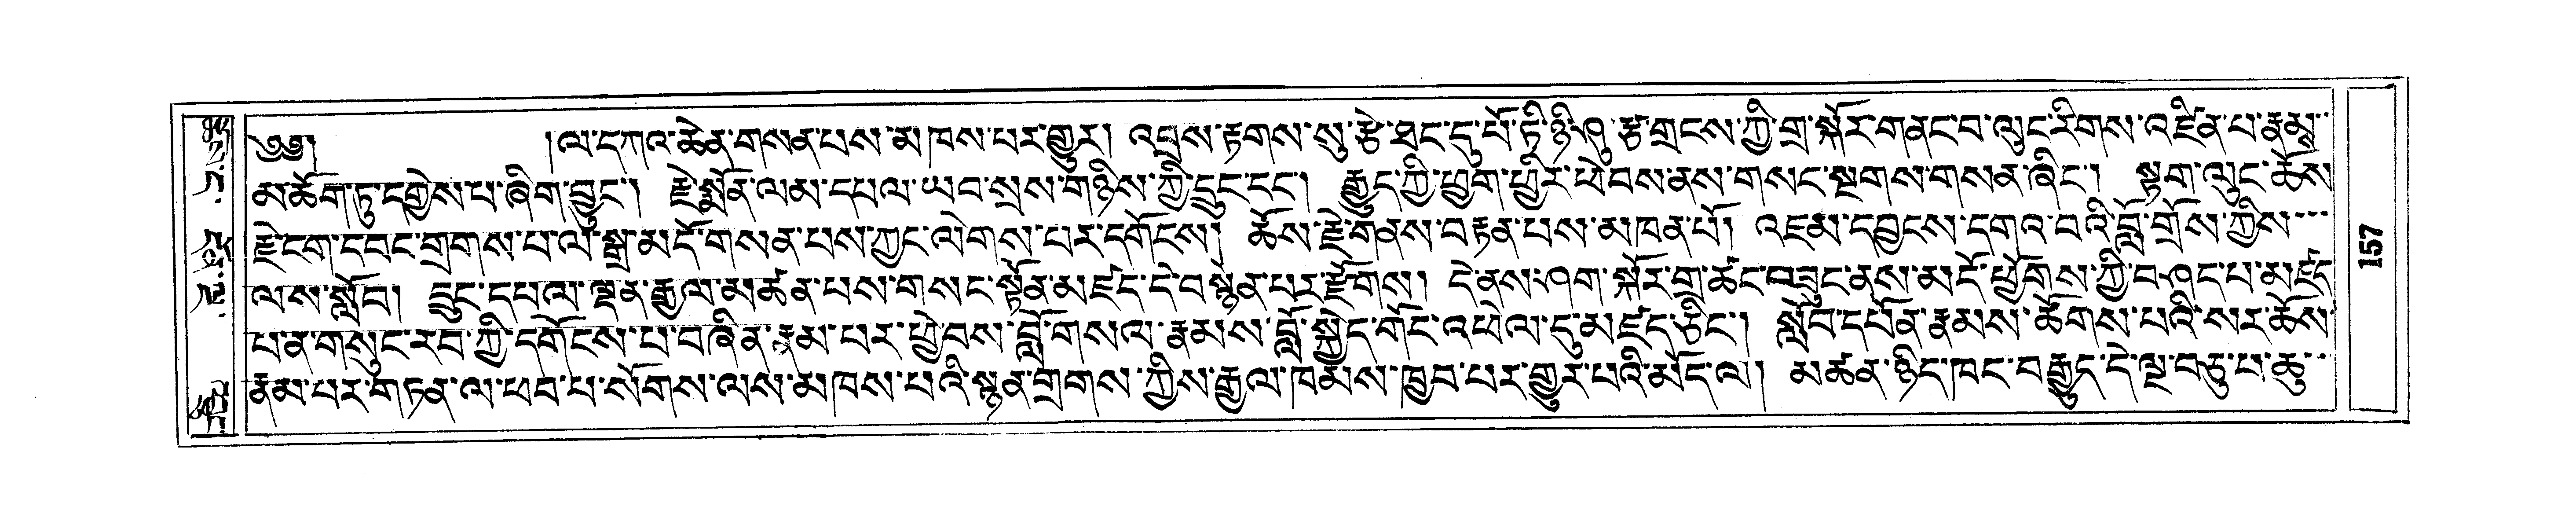༄༅། །ལ་དཀའ་ཆེན་གསན་པས་མཁས་པར་གྱུར། འབྲས་རྟགས་སུ་རྩེ་ཐང་དུ་པོ་ཏི་ཉི་ཤུ་རྩ་གྲངས་ཀྱི་གྲ་སྐོར་གནང་བ་ལུང་རིགས་འཛིན་པ་རྣམས་
མཆོག་ཏུ་དགྱེས་པ་ཞིག་བྱུང་། རྗེ་སྨོན་ལམ་དཔལ་ཡབ་སྲས་གཉིས་ཀྱི་དྲུང་དང་། རྒྱུད་ཀྱི་ཕྱག་ཕྱིར་ཕེབས་ནས་གསང་སྔགས་གསན་ཞིང་། སྟག་ལུང་ཆོས་
རྗེ་ངག་དབང་གྲགས་པ་ལ་སྒྲ་མདོ་གསན་པས་ཀྱང་ལེགས་པར་དགོངས། ཆོས་རྗེ་གནས་བརྟན་པས་མཁན་པོ། འཇམ་དབྱངས་དགའ་བའི་བློ་གྲོས་ཀྱིས་
ལས་སློབ། དྲུང་དཔལ་ལྡན་རྒྱལ་མཚན་པས་གསང་སྟོན་མཛད་དེ་བསྙེན་པར་རྫོགས། དེ་ནས་ཤག་སྐོར་གྲ་ཚང་བཟུང་ནས་མདོ་ཕྱོགས་ཀྱི་བཤད་པ་མཛད་
པ་ན་གསུང་རབ་ཀྱི་དགོངས་པ་བཞིན་རྣམ་པར་ཕྱེ་བས་བློ་གསལ་རྣམས་བློ་སྐྱེད་གོང་འཕེལ་དུ་མཛད་ཅིང་། སློབ་དཔོན་རྣམས་ཚོགས་པའི་སར་ཆོས་
རྣམ་པར་གཏན་ལ་ཕབ་པ་སོགས་ལས་མཁས་པའི་སྙན་གྲགས་ཀྱིས་རྒྱལ་ཁམས་ཁྱབ་པར་གྱུར་པའི་མདོ་ལ། མཚན་ཉིད་ཁང་བརྒྱུད་དེ་ལྔ་བཅུ་པ་ཆུ་